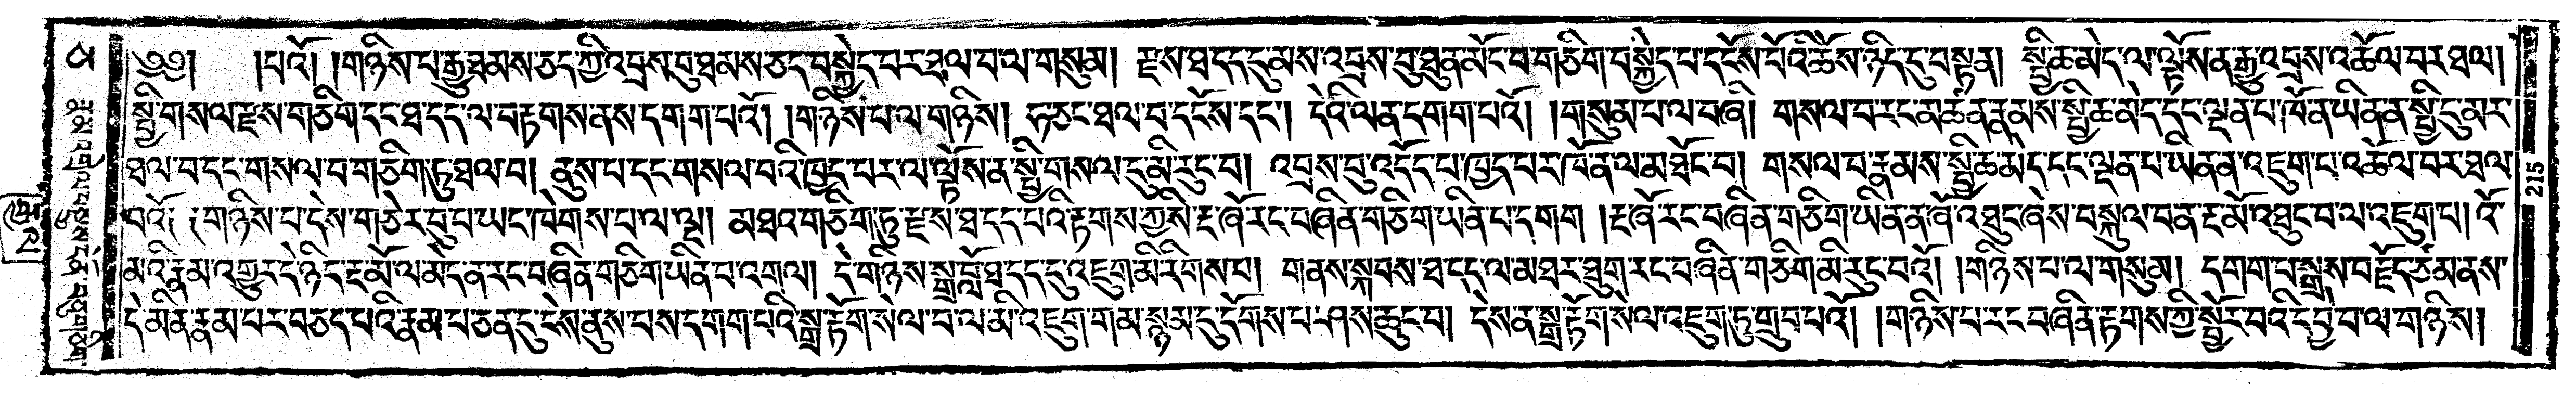༄༅། །པའོ། །གཉིས་པ་རྒྱུ་ཐམས་ཅད་ཀྱི་འབྲས་བུ་ཐམས་ཅད་བསྐྱེད་པར་ཐལ་བ་ལ་གསུམ། རྫས་ཐ་དད་དུ་མས་འབྲས་བུ་ཐུན་མོང་བ་གཅིག་བསྐྱེད་པ་དངོས་པོའི་ཆོས་ཉིད་དུ་བསྟན། སྤྱི་ཆ་མེད་ལ་ལྟོས་ན་རྒྱུ་འབྲས་འཆོལ་བར་ཐལ།
སྤྱི་གསལ་རྫས་གཅིག་དང་ཐ་དད་ལ་བརྟགས་ནས་དགག་པའོ། །གཉིས་པ་ལ་གཉིས། ཧ་ཅང་ཐལ་བ་དངོས་དང་། དེའི་ལན་དགག་པའོ། །གསུམ་པ་ལ་བཞི། གསལ་བ་རང་མཚན་རྣམས་སྤྱི་ཆ་མེད་དང་ལྡན་པ་ཁོ་ན་ཡིན་ན་སྤྱི་དུ་མར་
ཐལ་བ་དང་གསལ་བ་གཅིག་ཏུ་ཐལ་བ། ནུས་པ་དང་གསལ་བའི་ཁྱད་པར་ལ་ལྟོས་ན་སྤྱི་གསལ་དུ་མི་རུང་བ། འབྲས་བུ་འདོད་པ་ཁྱད་པར་ཁོ་ན་ལ་མཐོང་བ། གསལ་བ་རྣམས་སྤྱི་ཆ་མེད་དང་ལྡན་པ་ཡིན་ན་འཇུག་པ་འཆོལ་བར་ཐལ་
བའོ། །གཉིས་པ་དེས་གཅེར་བུ་པ་ཡང་ཁེགས་པ་ལ་ལྔ། མཐའ་གཅིག་ཏུ་རྫས་ཐ་དད་པའི་རྟགས་ཀྱིས་རྔ་ཞོ་རང་བཞིན་གཅིག་ཡིན་པ་དགག །རྔ་ཞོ་རང་བཞིན་གཅིག་ཡིན་ན་ཞོ་འཐུང་ཞེས་བསྐུལ་བ་ན་རྔ་མོ་འཐུང་བ་ལ་འཇུག་པ། འོ་
མའི་རྣམ་འགྱུར་དེ་ཉིད་རྔ་མོ་ལ་མེད་ན་རང་བཞིན་གཅིག་ཡིན་པ་འགལ། དེ་གཉིས་སྒྲ་བློ་ཐ་དད་དུ་འཇུག་མི་རིགས་པ། གནས་སྐབས་ཐ་དད་ལ་མཐར་ཐུག་རང་བཞིན་གཅིག་མི་རུང་བའོ། །གཉིས་པ་ལ་གསུམ། དགག་པ་སྒྲས་བརྗོད་ཙམ་ནས་
དེ་མིན་རྣམ་པར་བཅད་པའི་རྣམ་པ་ཅན་དུ་ངེས་ནུས་པས་དགག་པའི་སྒྲ་རྟོག་སེལ་བ་ལ་མི་འཇུག་གམ་སྙམ་དུ་དོགས་པ་ཤས་ཆུང་བ། དེས་ན་སྒྲ་རྟོག་སེལ་འཇུག་ཏུ་གྲུབ་པའོ། །གཉིས་པ་རང་བཞིན་རྟགས་ཀྱི་སྦྱོར་བའི་དབྱེ་བ་ལ་གཉིས།